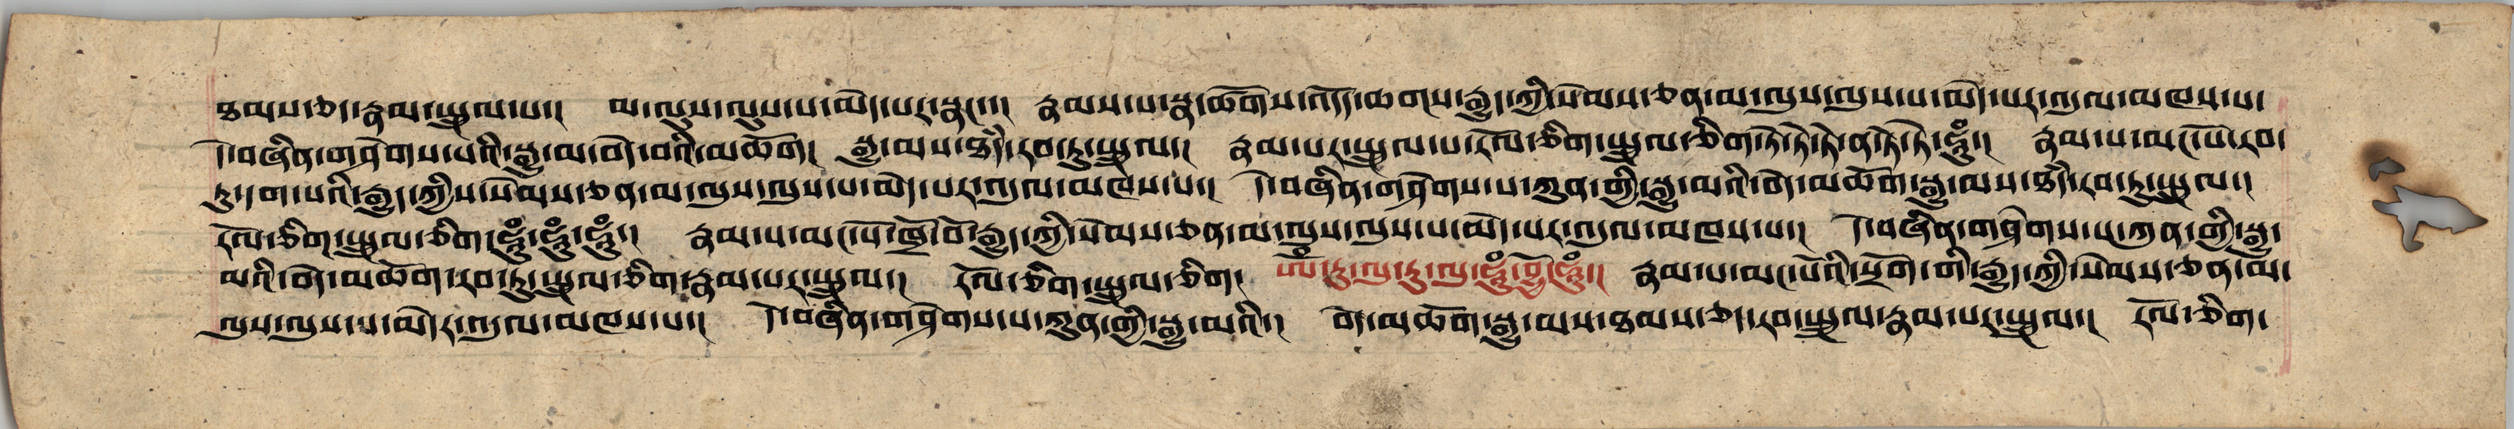ཐམས་ཅད་རྣམ་སྤྲུལ་པ་། མ་ལུས་ལུས་པ་མེད་པར་སྣང་་། རྣམས་པ་སྣ་ཚོགས་འདོད་ཆགས་རྒྱུད་ཀྱི་སེམས་ཅན་མ་ལུས་ལུས་པ་མེད་པར་འདུལ་མཁས་པ་
དེ་བཞིན་གཤེགས་པའི་སྒྱུ་མ་བདེ་བའི་མཆོག། སྒྱུ་མས་ཐཾད་རབ་ཏུ་སྤྲུལ་། རྣམ་པར་སྤྲུལ་པ་རོལ་ཅིག་སྤྲུལ་ཅིག་ཏེ་ཏེ་ཏེ་ན་ཏེ་ཏེ་ཧཱུཾ་། རྣམ་པ་མང་པོ་རབ་
ཏུ་དག་པའི་རྒྱུད་ཀྱིས་སེམས་ཅན་མ་ལུས་ལུས་པ་མེད་པར་འདུལ་མཁས་པ་། དེ་བཞིན་གཤེགས་པ་ཀུན་གྱི་སྒྱུ་མའི་བདེ་མཆོག་སྒྱུ་མས་ཐཾད་རབ་ཏུ་སྤྲུལ་།
རོལ་ཅིག་སྤྲུལ་ཅིག་ཧཱུཾ་ཧཱུཾ་ཧཱུཾ་། རྣམ་པ་མང་པོ་ཁྲོ་བོ་རྒྱུད་ཀྱི་སེམས་ཅན་མ་ལུས་ལུས་པ་མེད་པར་འདུལ་མཁས་པ་། དེ་བཞིན་གཤེགས་པ་ཀུན་གྱི་སྒྱུ་
མའི་བདེ་མཆོག་རབ་ཏུ་སྤྲུལ་ཅིག་རྣམ་པར་སྤྲུལ་། རོལ་ཅིག་སྤྲུལ་ཅིག། ཨོཾ་རུ་ལུ་རུ་ལུ་ཧཱུཾ་བྷྱོ་ཧཱུཾ་། རྣམ་པ་མང་པོའི་སྲོག་གི་རྒྱུད་ཀྱི་སེམས་ཅན་མ་
ལུས་ལུས་པ་མེདར་འདུལ་མཁས་པ་། དེ་བཞིན་གཤེགས་པ་ཀུན་གྱི་སྒྱུ་མའི་། བདེ་མཆོག་སྒྱུ་མས་ཐམས་ཅད་རབ་སྤྲུལ་རྣམ་པར་སྤྲུལ་། རོལ་ཅིག་